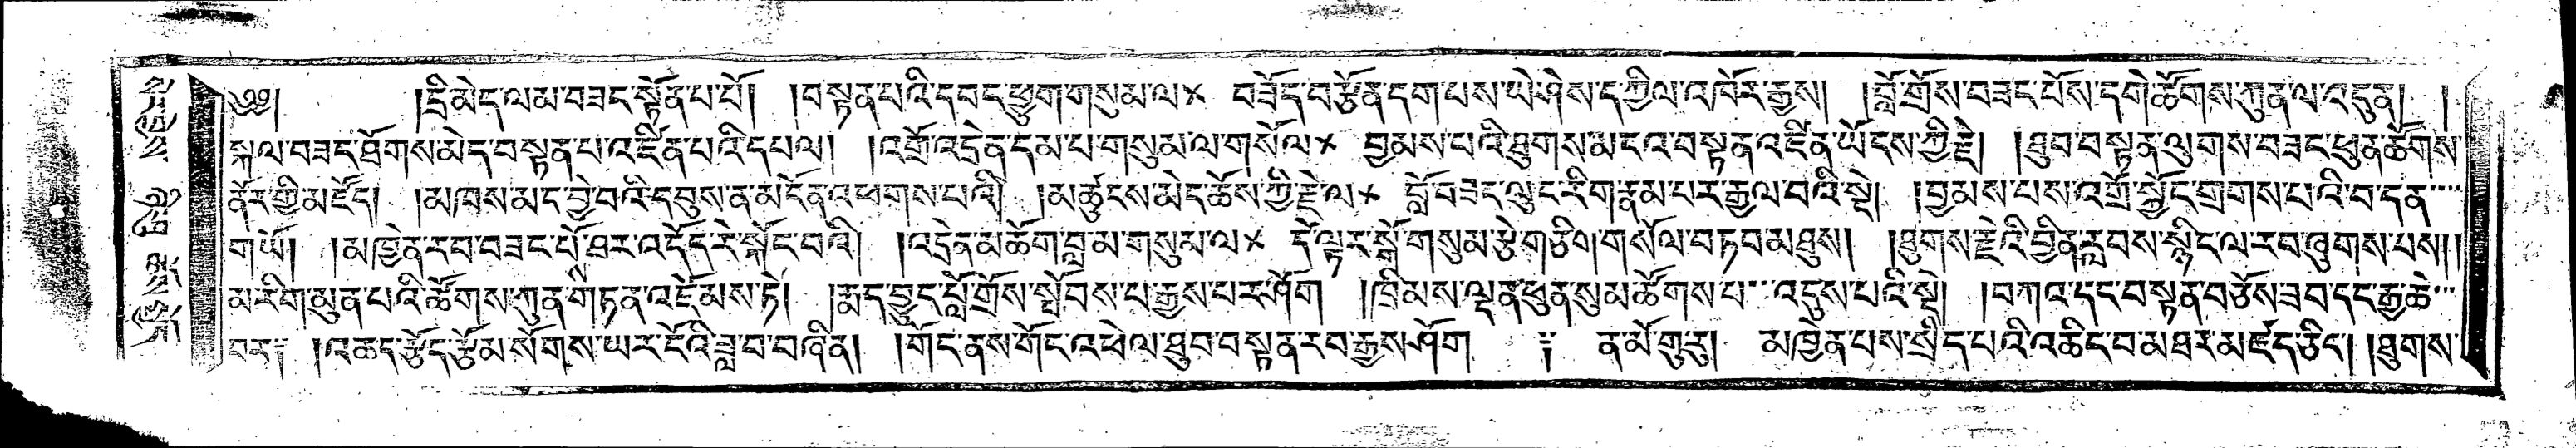༄༅། །དྲི་མེད་ལམ་བཟང་སྟོན་པ་པོ། །བསྟན་པའི་དབང་ཕྱུག་གསུམ་ལ་{྾}་བཟོད་བརྩོན་དག་པས་ཡེ་ཤེས་དཀྱིལ་འཁོར་རྒྱས། །བློ་གྲོས་བཟང་པོས་དགེ་ཚོགས་ཀུན་ལ་འདུན། །
སྐལ་བཟང་ཐོགས་མེད་བསྟན་པ་འཛིན་པའི་དཔལ། །འགྲོ་འདྲེན་དམ་པ་གསུམ་ལ་གསོལ་{྾}་བྱམས་པའི་ཐུགས་མངའ་བསྟན་འཛིན་ཡོངས་ཀྱི་རྗེ། །ཐུབ་བསྟན་ལུགས་བཟང་ཕུན་ཚོགས་
ནོར་གྱི་མཛོད། །མཁས་མང་བྱེ་བའི་དབུས་ན་མངོན་འཕགས་པའི། །མཚུངས་མེད་ཆོས་ཀྱི་རྗེ་ལ་{྾}་བློ་བཟང་ལུང་རིག་རྣམ་པར་རྒྱལ་བའི་སྡེ། །བྱམས་པས་འགྲོ་སྐྱོང་གྲགས་པའི་བ་དན་
གཡོ། །མཁྱེན་རབ་བཟང་པོས་ཐར་འདོད་རེ་སྐོང་བའི། །འདྲེན་མཆོག་བླ་མ་གསུམ་ལ་{྾}་དེ་ལྟར་སྒོ་གསུམ་རྩེ་གཅིག་གསོལ་བཏབ་མཐུས། །ཐུགས་རྗེའི་བྱིན་རླབས་སྙིང་ལ་རབ་ཞུགས་པས། །
མ་རིག་མུན་པའི་ཚོགས་ཀུན་གཏན་འཇོམས་ཏེ། །རྨད་བྱུང་བློ་གྲོས་སྤོབས་པ་རྒྱས་པར་ཤོག །ཁྲིམས་ལྡན་ཕུན་སུམ་ཚོགས་པ་འདུས་པའི་སྡེ། །བཀའ་དང་བསྟན་བཅོས་ཟབ་དང་རྒྱ་ཆེ་
བར༑ །འཆད་རྩོད་རྩོམ་སོགས་ཡར་ངོའི་ཟླ་བ་བཞིན། །གོང་ནས་གོང་འཕེལ་ཐུབ་བསྟན་རབ་རྒྱས་ཤོག ༈ ན་མོ་གུ་རུ། མཁྱེན་པས་སྲིད་པའི་འཆིང་བ་མཐར་མཛད་ཅིང་། །ཐུགས་